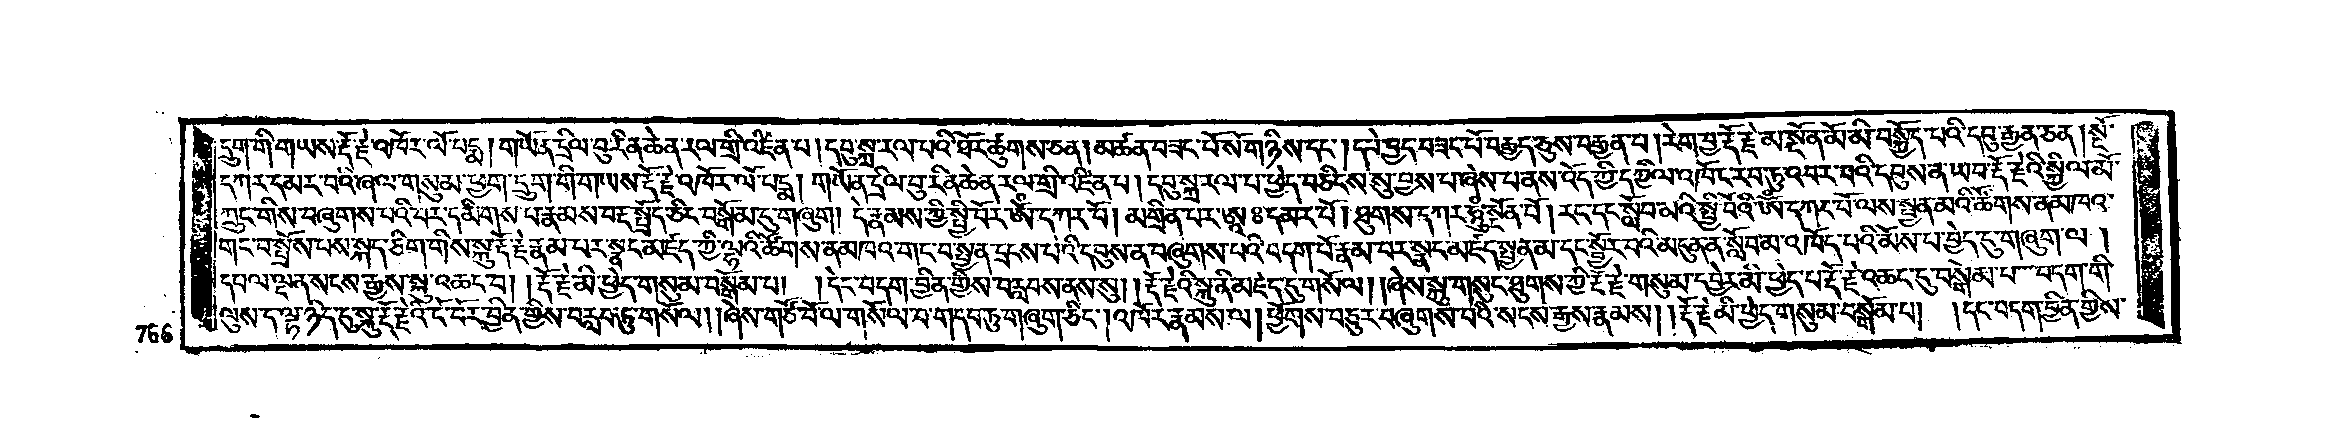དྲུག་གི་གཡས་རྡོ་རྗེ་འཁོར་ལོ་པདམ། གཡོན་དྲིལ་བུ་རིན་ཆེན་རལ་གྲི་འཛིན་པ། དབུ་སྐྲ་རལ་པའི་ཐོར་ཚུགས་ཅན། མཚན་བཟང་པོ་སོ་གཉིས་དང་། དཔེ་བྱད་བཟང་པོ་བརྒྱད་ཅུས་བརྒྱན་པ། རེག་བྱ་རྡོ་རྗེ་མ་སྔོན་མོ་མི་བསྐྱོད་པའི་དབུ་རྒྱན་ཅན། སྔོ་
དཀར་དམར་བའི་ཞལ་གསུམ་ཕྱག་དྲུག་གི་གཡས་རྡོ་རྗེ་འཁོར་ལོ་པདམ། གཡོན་དྲིལ་བུ་རིན་ཆེན་རལ་གྲི་འཛིན་པ། དབུ་སྐྲ་རལ་པ་ཕྱེད་བཅིངས་སུ་བྱས་པ་ཞེས་པ་ནས་འོད་ཀྱི་དཀྱིལ་འཁོར་རབ་ཏུ་འབར་བའི་དབུས་ན་ཡབ་རྡོ་རྗེའི་སྐྱིལ་མོ་
ཀྲུང་གིས་བཞུགས་པའི་བར་དམིགས་པ་རྣམས་བརྡ་སྤྲོད་ཅིང་བསྒོམ་དུ་གཞུག །དེ་རྣམས་ཀྱི་སྤྱི་བོར་ཨོཾ་དཀར་པོ། མགྲིན་པར་ཨཱཿ དམར་པོ། ཐུགས་དཀར་ཧཱུཾ་སྔོན་པོ། རང་དང་སློབ་མའི་སྤྱི་བོའི་ཨོཾ་དཀར་པོ་ལས་སྤྱན་མའི་ཚོགས་ནམ་མཁའ་
གང་བ་སྤྲོས་པས་སྐད་ཅིག་གིས་སྐུ་རྡོ་རྗེ་རྣམ་པར་སྣང་མཛད་ཀྱི་ལྷའི་ཚོགས་ནམ་མཁའ་གང་བ་སྤྱན་དྲངས་པའི་དབུས་ན་བཞུགས་པའི་བདག་པོ་རྣམ་པར་སྣང་མཛད་སྤྱན་མ་དང་སྦྱོར་བའི་མདུན་ན་སློབ་མ་འཁོད་པའི་མོས་པ་བྱེད་དུ་གཞུག་ལ།
དཔལ་ལྡན་སངས་རྒྱས་སྐུ་འཆང་བ། །རྡོ་རྗེ་མི་ཕྱེད་གསུམ་བསྒོམ་པ། །དེང་བདག་བྱིན་གྱིས་བརླབས་ནས་སུ། །རྡོ་རྗེའི་སྐུ་ནི་མཛད་དུ་གསོལ། །ཞེས་སྐུ་གསུང་ཐུགས་ཀྱི་རྡོ་རྗེ་གསུམ་དབྱེར་མི་ཕྱེད་པ་རྡོ་རྗེ་འཆང་དུ་བསྒོམ་པ་བདག་གི་
ལུས་ད་ལྟ་ཉིད་དུ་སྐུ་རྡོ་རྗེའི་ངོ་བོར་བྱིན་གྱིས་བརླབ་ཏུ་གསོལ། །ཞེས་གཙོ་བོ་ལ་གསོལ་བ་གདབ་ཏུ་གཞུག་ཅིང་། འཁོར་རྣམས་ལ། ཕྱོགས་བཅུར་བཞུགས་པའི་སངས་རྒྱས་རྣམས། །རྡོ་རྗེ་མི་ཕྱེད་གསུམ་བསྒོམ་པ། །དང་བདག་བྱིན་གྱིས་